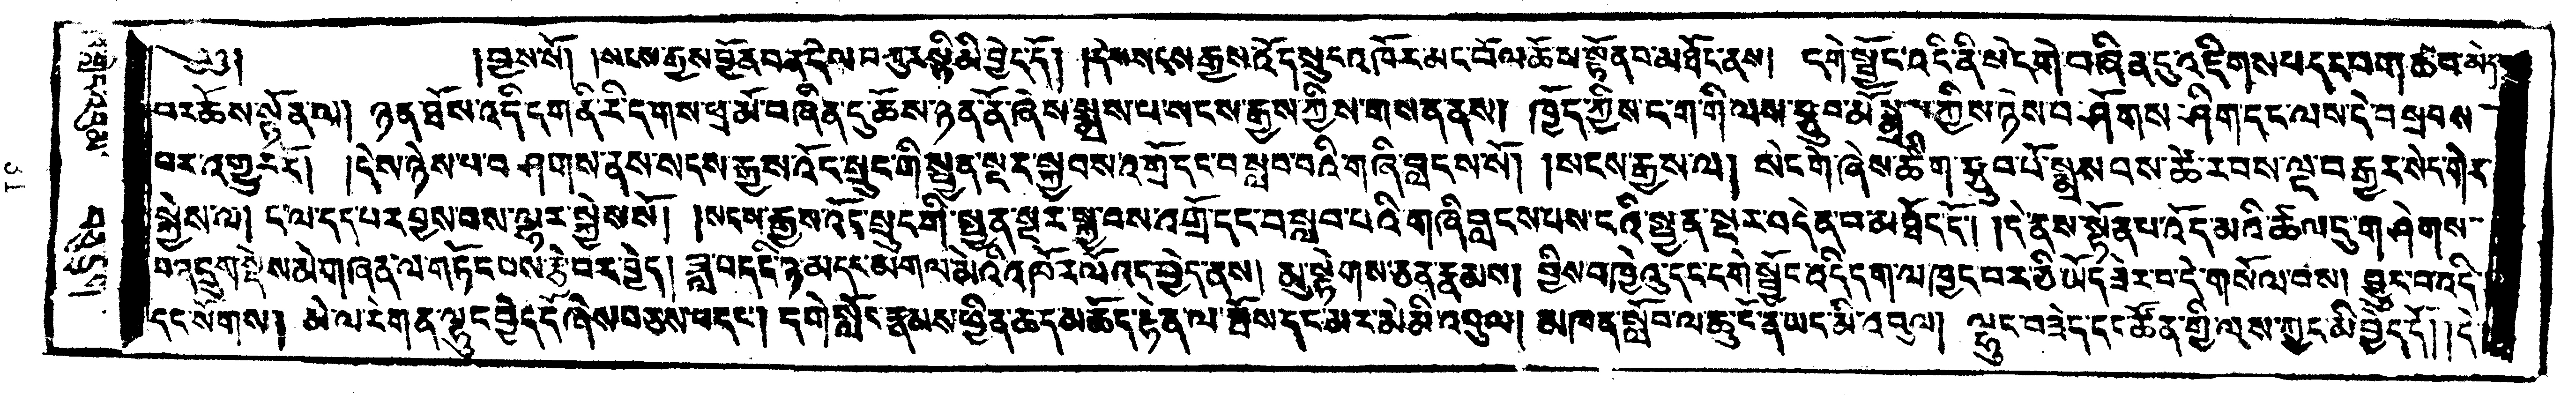༄༅། །བྱས་སོ། །སངས་རྒྱས་བྱོན་བན་དེ་ལ་བཀུར་སྟི་མི་བྱེད་དོ། །དེས་སངས་རྒྱས་འོད་སྲུང་འཁོར་མང་བོ་ལ་ཆོས་སྟོན་བ་མཐོང་ནས། དགེ་སྦྱོང་འདི་ནི་སེང་གེ་བཞིན་དུ་འཇིགས་པ་དང་བག་ཚ་བ་མེད་
བར་ཆོས་སྟོན་ལ། ཉན་ཐོས་འདི་དག་ནི་རི་དགས་ཕྲ་མོ་བཞིན་དུ་ཆོས་ཉན་ནོ་ཞེས་སྨྲས་པ་སངས་རྒྱས་ཀྱིས་གསན་ནས། ཁྱོད་ཀྱིས་ང་ག་གི་ལས་རྩུབ་མོ་སྨྲས་ཀྱིས་ཉེས་བ་ཤོགས་ཤིག་དང་ལས་དེ་བསྲབས་
བར་འགྱུར་རོ། །དེས་ཉེས་པ་བཤགས་ནས་སངས་རྒྱས་འོད་སྲུང་གི་སྤྱན་སྔར་སྐྱབས་འགྲོ་དང་བསླབ་བའི་གཞི་བླངས་སོ། །སངས་རྒྱས་ལ། སེང་གེ་ཞེས་ཚིག་རྩུབ་པོ་སྨྲས་བས་ཚེ་རབས་ལྔ་བརྒྱར་སེང་གེར་
སྐྱེས་ལ། ང་ལ་དད་པར་བྱས་བས་ལྷར་སྐྱེས་སོ། །སངས་རྒྱས་འོད་སྲུང་གི་སྤྱན་སྔར་སྐྱབས་འགྲོ་དང་བསླབ་པའི་གཞི་བླངས་པས་ངའི་སྤྱན་སྔར་བདེན་བ་མཐོང་ངོ། །དེ་ནས་སྟོན་པ་འོད་མའི་ཚལ་དུ་གཤེགས་
བ་ན་དྲུག་སྡེས་མེ་གཞན་ལ་གཏོང་བས་རྩེ་བར་བྱེད། ཟླ་བ་དང་ཉི་མ་དང་མགལ་མེའི་འཁོར་ལོའང་བྱེད་ནས། མུ་སྟེགས་ཅན་རྣམས། བྱིས་བ་ཁྱེའུ་དང་དགེ་སྦྱོང་འདི་དག་ལ་ཁྱད་པར་ཅི་ཡོད་ཟེར་བ་དེ་གསོལ་བས། བྱུང་བ་འདི་
དང་སོགས། མེ་ལ་རེག་ན་ལྟུང་བྱེད་དོ་ཞེས་བཅས་པ་དང་། དགེ་སློང་རྣམས་ཕྱིན་ཆད་མཆོད་རྟེན་ལ་སྤོས་དང་མར་མེ་མི་འབུལ། མཁན་སློབ་ལ་ཆུ་ངོ་ན་ཡང་མི་འབུལ། ལྷུང་བཟེད་དང་ཚོན་གྱི་ལས་ཀྱང་མི་བྱེད་དོ། །དེ་